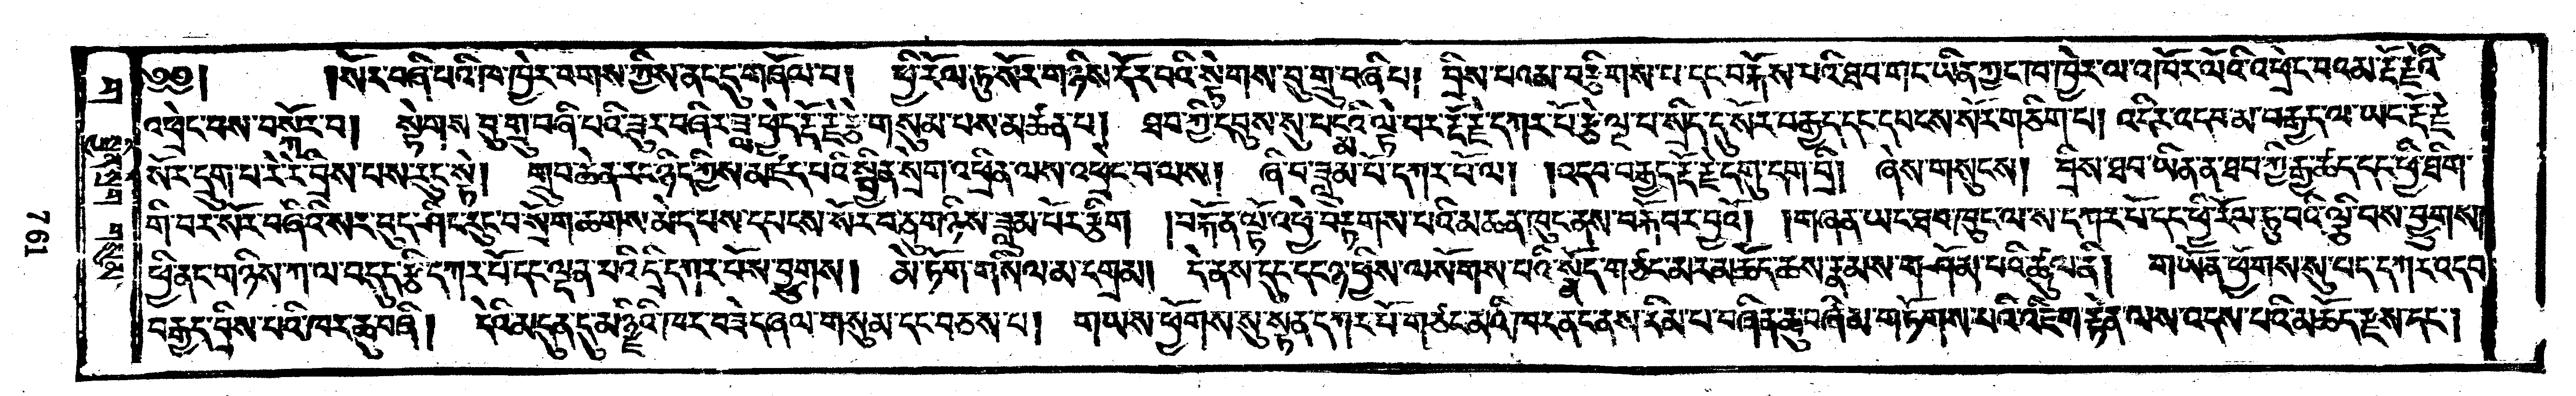༄༅། །སོར་བཞི་པའི་ཁ་ཁྱེར་བགས་ཀྱིས་ནང་དུ་གཞོལ་བ། ཕྱི་རོལ་ཏུ་སོར་གཉིས་དོར་བའི་སྟེགས་བུ་གྲུ་བཞི་པ། བྲིས་པའམ་བརྩིགས་པ་དང་བརྐོས་པའི་ཐབ་གང་ཡིན་ཀྱང་ཁ་ཁྱེར་ལ་འཁོར་ལོའི་འཕྲེང་བའམ་རྡོ་རྗེའི་
འཕྲེང་བས་བསྐོར་བ། སྟེགས་བུ་གྲུ་བཞི་པའི་ཟུར་བཞིར་ཟླ་ཕྱེད་རྡོ་རྗེ་རྩེ་གསུམ་པས་མཚན་པ། ཐབ་ཀྱི་དབུས་སུ་པདམའི་ལྟེ་བར་རྡོ་རྗེ་དཀར་པོ་རྩེ་ལྔ་པ་སྲིད་དུ་སོར་བརྒྱད་དང་དཔངས་སོར་གཅིག་པ། འདིར་འདབ་མ་བརྒྱད་ལ་ཡང་རྡོ་རྗེ་
སོར་དྲུག་པ་རེ་རེ་བྲིས་པས་རུང་སྟེ། གྲུབ་ཆེན་རང་ཉིད་ཀྱིས་མཛད་པའི་སྦྱིན་སྲེག་འཕྲིན་ལས་འཕྲེང་བ་ལས། ཞི་བ་ཟླུམ་པོ་དཀར་པོ་ལ། །འདབ་བརྒྱད་རྡོ་རྗེ་དགུ་དག་བྲི། ཞེས་གསུངས། བྲིས་ཐབ་ཡིན་ན་ཐབ་ཀྱི་རྒྱ་ཚད་དང་ཕྱི་ཐིག་
གི་བར་སོར་བཞིའི་སར་བུད་ཤིང་རུང་བ་སྲོག་ཆགས་མེད་པས་དཔངས་སོར་བཅུ་གཉིས་ཟླུམ་པོར་རྩིག །བརྐོ་ན་ལྟོ་འཕྱེ་བརྟགས་པའི་མཆན་ཁུང་ནས་བརྐོ་བར་བྱའོ། །གཞན་ཡང་ཐབ་ཁུང་ལ་ས་དཀར་པོ་དང་ཕྱི་རོལ་ཏུ་བའི་ལྕི་བས་བྱུགས།
ཕྱི་ནང་གཉིས་ཀ་ལ་བདུད་རྩི་དཀར་པོ་དང་ལྡན་པའི་དྲི་དཀར་པོས་བྱུགས། མེ་ཏོག་གསིལ་མ་དགྲམ། དེ་ནས་དུང་དང་ཉ་ཕྱིས་ལ་སོགས་པའི་སྣོད་གཙང་མར་མཆོད་ཆས་རྣམས་གཤོམ་པའི་ཚུལ་ནི། གཡོན་ཕྱོགས་སུ་པད་དཀར་འདབ་
བརྒྱད་བྲིས་པའི་ཁར་ཆུ་བཞི། དེའི་མདུན་དུ་མཉིཛཱི་ཁར་བཟེད་ཞལ་གསུམ་དང་བཅས་པ། གཡས་ཕྱོགས་སུ་སྟན་དཀར་པོ་གཙང་མའི་ཁར་ནང་ནས་རིམ་པ་བཞིན་ཆུ་བཞིམ་གཏོགས་པའི་འཇིག་རྟེན་ལས་འདས་པའི་མཆོད་རྫས་དང་།